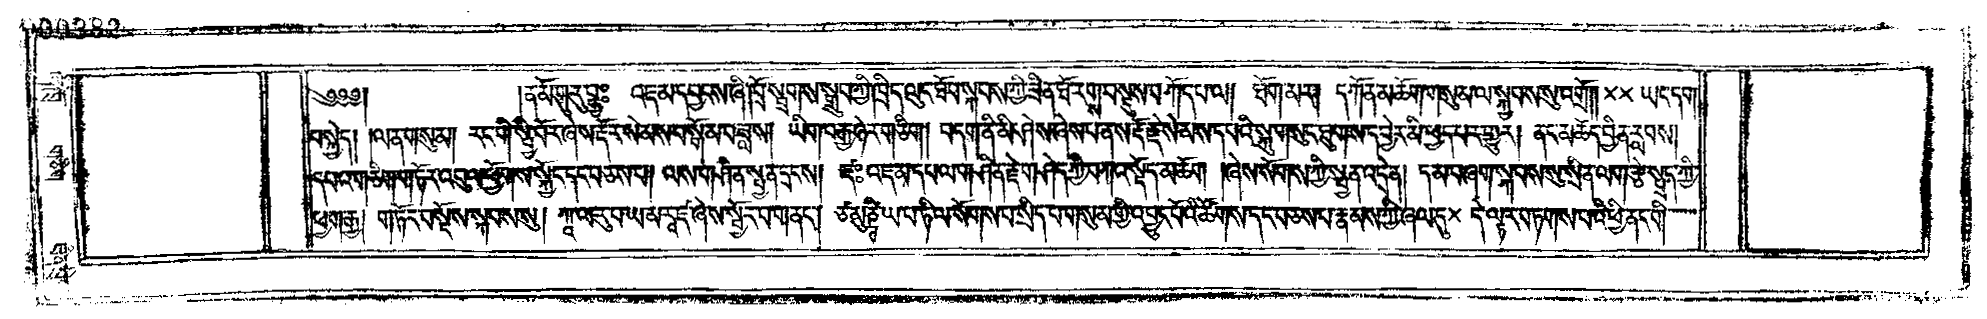༄༅༅། །ན་མོ་གུ་རུ་བྷྱཿ འཇམ་དབྱངས་ཞི་ཁྲོ་སྦྲགས་སྒྲུབ་ཀྱི་ཁྲིད་ལུང་ཐོབ་སྐབས་ཀྱི་ཟིན་ཐོ་རགས་བསྡུས་བཀོད་པ་ལ། ཐོག་མར། དཀོན་མཆོག་གསུམ་ལ་སྐྱབས་སུ་འགྲོ།། ྾྾་ཡང་དག་
བསྐྱེད། །ལན་གསུམ། རང་གི་སྤྱི་བོར་ཞེས་རྡོར་སེམས་བསྒོམ་བཟླས། ཡིག་བརྒྱ་ཉེར་གཅིག །བདག་ནི་མི་ཤེས་ཞེས་པ་ནས་རྡོ་རྗེ་སེམས་དཔའི་སྐུ་གསུང་ཐུགས་དབྱེར་མི་ཕྱད་པར་གྱུར། ནང་མཆོད་བྱིན་རླབས།
དཔའ་གཅིག་གཏོར་འབུལ་ཕྱོགས་སྐྱོང་དང་བཅས་པ། ལས་གཤིན་སྤྱན་དྲངས། ཛཿ འཇམ་དཔལ་གཤིན་རྗེ་གཤེད་ཀྱི་བཀའ་སྡོད་མཆོག །ཞེས་སོགས་ཀྱི་སྤྱན་འདྲེན། དམ་བཞག་སྐབས་སུ་སྲིན་ལག་རྩེ་སྤྲད་ཀྱི་
ཕྱག་རྒྱ། གཏོར་བསྔོས་སྐབས་སུ། ཀཱ་ལ་རུ་བ་ཡ་མ་རཱ་ཛ་ཞེས་སྦྱོར་བ་གནང་། ཙ་མུཎྚི་ཡ་བ་ཏི་ལ་སོགས་པ་སྲིད་པ་གསུམ་གྱི་འབྱུང་པོའི་ཚོགས་དང་བཅས་པ་རྣམས་ཀྱི་ཞལ་དུ྾་དེ་ལྟར་བཏགས་པའི་ཕྱི་ནང་གི་